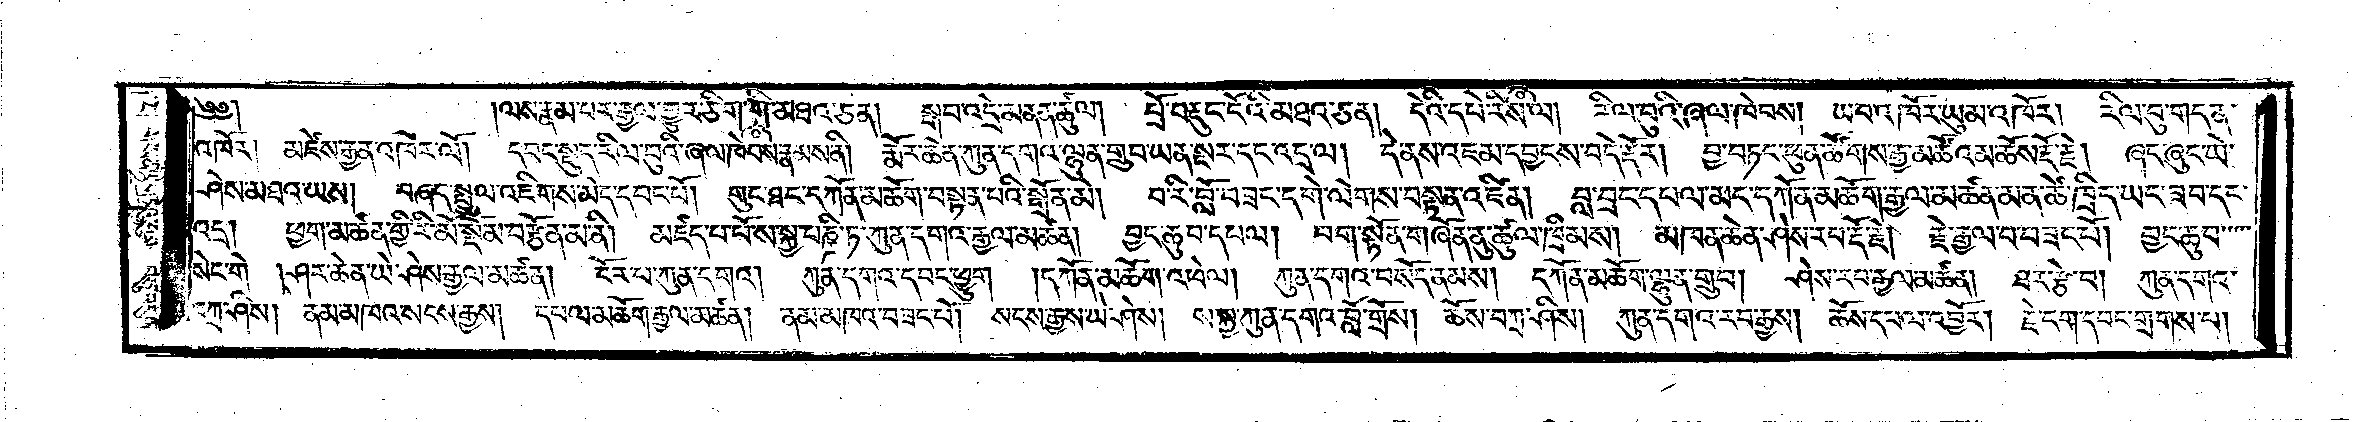༄༅། །ལས་རྣམ་པར་རྒྱལ་གྱུར་ཅིག་གི་མཐའ་ཅན། སྒབ་འདྲེ་མནན་ཚུལ། པྲོ་བརྡུང་ངོའི་མཐའ་ཅན། དེའི་དཔེ་རིས་ལ། རིལ་བུའི་ཞལ་ཁེབས། ཡབ་འཁོར་ཡུམ་འཁོར། རིལ་བུ་གདན་
འཁོར། མཛེས་རྒྱན་འཁོར་ལོ། དབང་སྡུད་རིལ་བུའི་ཞལ་ཁེབས་རྣམས་ནི། རྨོར་ཆེན་ཀུན་དགའ་ལྷུན་གྲུབ་ཡན་སྔར་དང་འདྲ་ལ། དེ་ནས་འཇམ་དབྱངས་བདེ་རྡོར། བྱ་བཏང་ཕུན་ཚོགས་རྒྱ་མཚོའམ་ཆོས་རྡོ་རྗེ། ཞང་ཞུང་ཡེ་
ཤེས་མཐའ་ཡས། བཞད་སྤྲུལ་འཇིགས་མེད་དབང་པོ། གུང་ཐང་དཀོན་མཆོག་བསྟན་པའི་སྒྲོན་མེ། བ་རི་བློ་བཟང་དགེ་ལེགས་བསྟན་འཛིན། བླ་བྲང་དཔལ་མང་དཀོན་མཆོག་རྒྱལ་མཚན་མན་ཚེ་ཁྲིད་ཡང་ཟབ་དང་
འདྲ། ཕྱག་མཚན་གྱི་རི་མོ་སྡོམ་བརྩོན་མ་ནི། མཛད་པ་པོ་ས་སྐྱ་པཎྜི་ཏ་ཀུན་དགའ་རྒྱལ་མཚན། བྱང་ཆུབ་དཔལ། བག་སྟོན་གཞོན་ནུ་ཚུལ་ཁྲིམས། མཁན་ཆེན་ཤེས་རབ་རྡོ་རྗེ། རྗེ་རྒྱལ་བ་བཟང་པོ། བྱང་ཆུབ་
སེང་གེ །ཤར་ཆེན་ཡེ་ཤེས་རྒྱལ་མཚན། ངོར་པ་ཀུན་དགའ། ཀུན་དགའ་དབང་ཕྱུག །དཀོན་མཆོག་འཕེལ། ཀུན་དགའ་བསོད་ནམས། དཀོན་མཆོག་ལྷུན་གྲུབ། ཤེས་རབ་རྒྱལ་མཚན། ཐར་རྩེ་བ། ཀུན་དགའ་
བཀྲ་ཤིས། ནམ་མཁའ་སངས་རྒྱས། དཔལ་མཆོག་རྒྱལ་མཚན། ནམ་མཁའ་བཟང་པོ། སངས་རྒྱས་ཡེ་ཤེས། ས་སྐྱ་ཀུན་དགའ་བློ་གྲོས། ཆོས་བཀྲ་ཤིས། ཀུན་དགའ་རབ་རྒྱས། ཆོས་དཔལ་འབྱོར། རྗེ་ངག་དབང་གྲགས་པ།